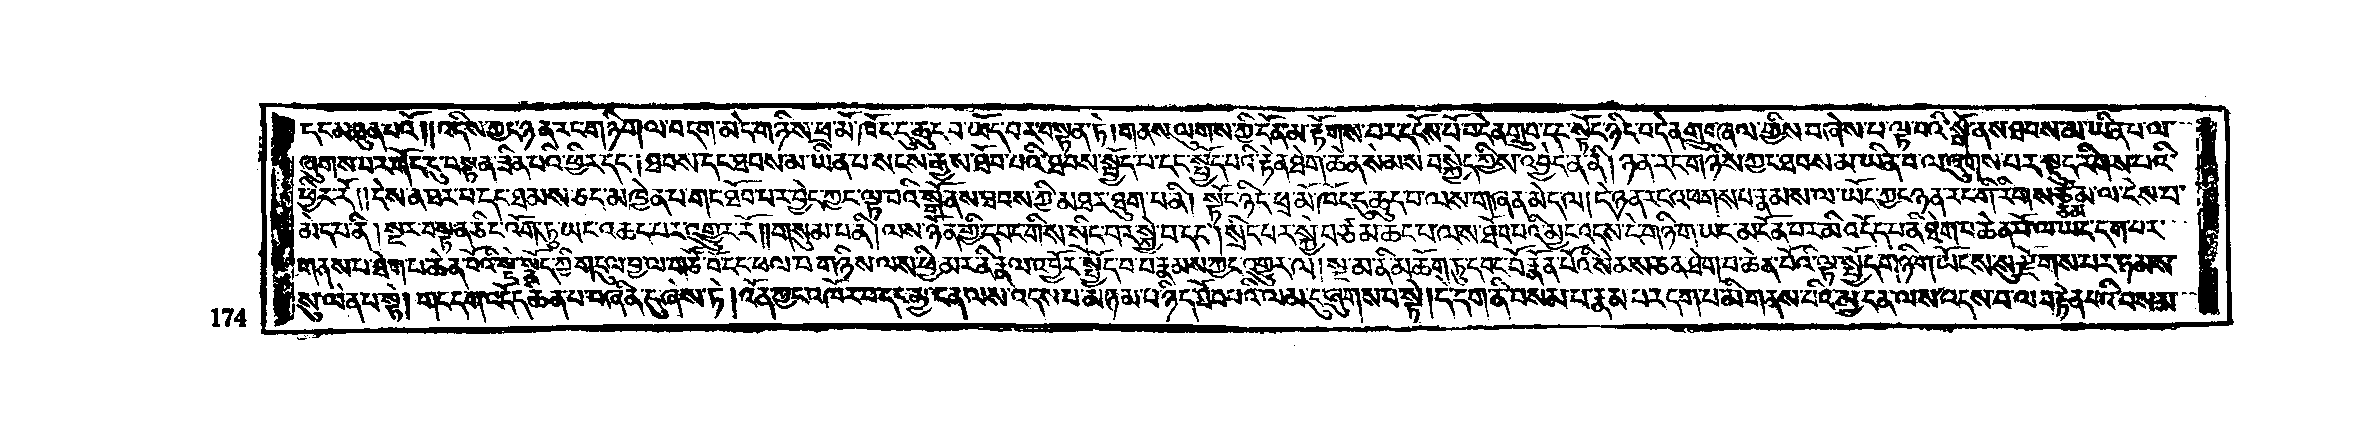དང་མཐུན་པའོ། །འདིས་ཀྱང་ཉན་རང་གཉི་ག?་ལ་བདག་མེད་གཉིས་ཕྲ་མོ་ཁོང་དུ་ཆུད་པ་ཡོད་པར་བསྟན་ཏེ། གནས་ལུགས་ཀྱི་དོན་མ་རྟོགས་པར་དངོས་པོ་བདེན་གྲུབ་དང་སྟོང་ཉིད་བདེན་གྲུབ་ཞལ་གྱིས་བཞེས་པ་ལྟ་བའི་སྒོ་ནས་ཐབས་མ་ཡིན་པ་ལ་
ཞུགས་པར་གོང་དུ་བསྟན་ཟིན་པའི་ཕྱིར་དང་། ཐབས་དང་ཐབས་མ་ཡིན་པ་སངས་རྒྱས་ཐོབ་པའི་ཐབས་སྤྱོད་པ་དང་སྤྱོད་པའི་རྟེན་ཐེག་ཆེན་སེམས་བསྐྱེད་ཀྱིས་འབྱེད་ན་ནི། ཉན་རང་གཉིས་ཀྱང་ཐབས་མ་ཡིན་པ་ལ་ཞུགས་པར་སྡུད་རིགས་པའི་
ཕྱིར་རོ། །དེས་ན་ཐར་པ་དང་ཐམས་ཅད་མཁྱེན་པ་གང་ཐོབ་པར་བྱེད་ཀྱང་ལྟ་བའི་སྒོ་ནས་ཐབས་ཀྱི་མཐར་ཐུག་པ་ནི། སྟོང་ཉིད་ཕྲ་མོ་ཁོང་དུ་ཆུད་པ་ལས་གཞན་མེད་ལ། དེ་ཉན་རང་འཕགས་པ་རྣམས་ལ་ཡོད་ཀྱང་ཉན་རང་གི་རིགས་ཙམ་?་ལ་ངེས་པ་
མེད་པ་ནི། སྔར་བསྟན་ཅིང་འོག་ཏུ་ཡང་འཆད་པར་འགྱུར་རོ། །གསུམ་པ་ནི། ལས་ཉོན་གྱི་དབང་གིས་སྲིད་པར་སྐྱེ་བ་དང་། སྲིད་པར་སྐྱེ་བ་ཙམ་ཆང་པ་ལས་ཐོབ་པའི་མྱང་འདས་དེ་གཉི་ག་ཡང་མངོན་པར་མི་འདོད་པ་ནི་ཐེག་པ་ཆེན་པོ་ལ་ཡང་དག་པར་
གནས་པ་ཐེག་པ་ཆེན་པོའི་སྡེ་སྣོད་ཀྱི་གདུལ་བྱ་ལ་གཙོ་བོ་དང་ཕལ་བ་གཉིས་ལས་ཕྱི་མར་ནི་རྣལ་འབྱོར་སྤྱོད་པ་བ་རྣམས་ཀྱང་འགྱུར་ལ། སྔ་མ་ནི་མཆོག་ཏུ་དབང་པོ་རྣོན་པོའི་སེམས་ཅན་ཐེག་པ་ཆེན་པོའི་ལྟ་སྤྱོད་གཉི་ག་ཡོངས་སུ་རྫོགས་པར་ཉམས་
སུ་ལེན་པ་སྟེ། གང་དག་འདོད་ཆེན་པ་བཞིན་དུ་ཞེས་ཏེ། འོན་ཀྱང་འཁོར་བ་དང་མྱ་ངན་ལས་འདས་པ་མཉམ་པ་ཉིད་ཐོབ་པའི་ལམ་དུ་ཞུགས་པ་སྟེ། དེ་དག་ནི་བསམ་པ་རྣམ་པར་དག་པ་མི་གནས་པའི་མྱ་ངན་ལས་འདས་པ་ལ་བརྟེན་པའི་བསམ་